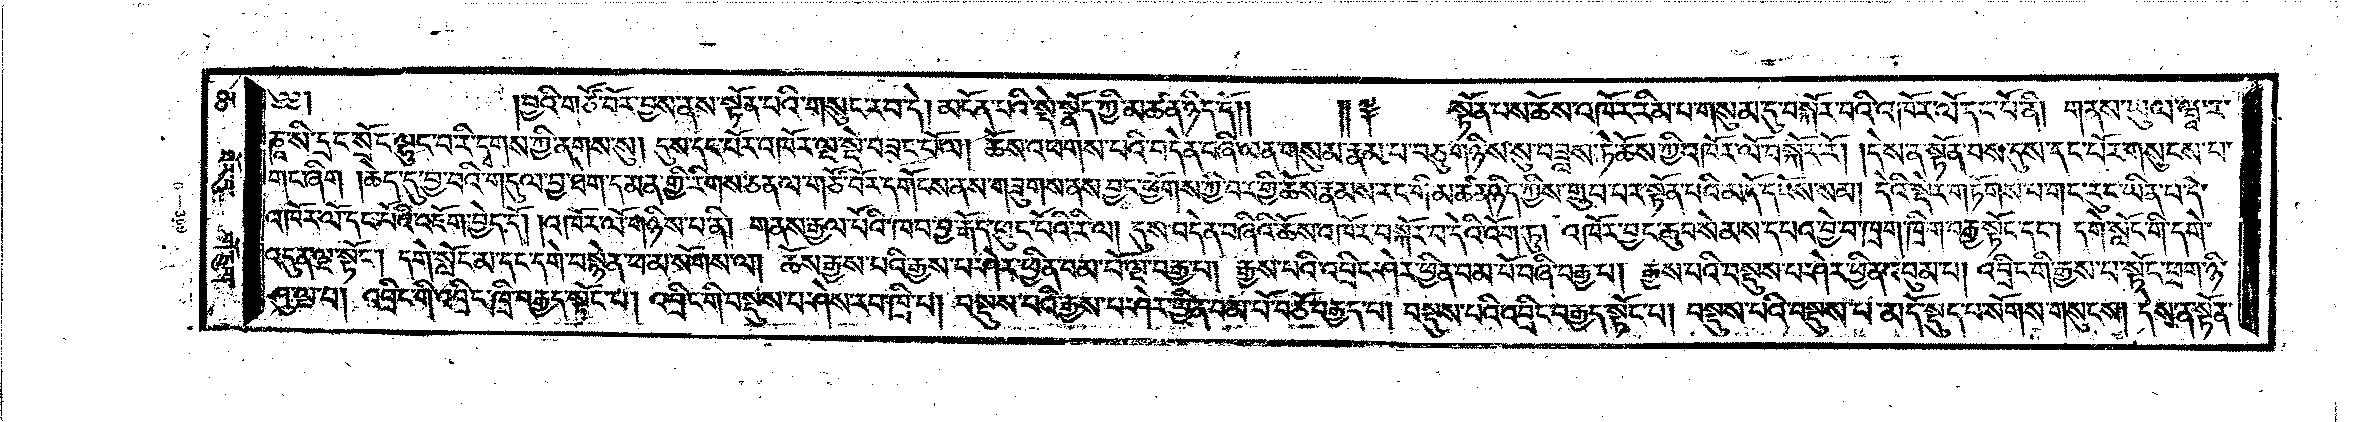༄༅། །བྱའི་གཙོ་བོར་བྱས་ནས་སྟོན་པའི་གསུང་རབ་དེ། མངོན་པའི་སྡེ་སྣོད་ཀྱི་མཚན་ཉིད་དོ།། །།༈ སྟོན་པས་ཆོས་འཁོར་རིམ་པ་གསུམ་དུ་བསྐོར་བའི་འཁོར་ལོ་དང་པོ་ནི། གནས་ཡུལ་ཝཱ་ར་
ཎཱ་སི་དྲང་སྲོང་ལྷུང་བ་རི་དྭགས་ཀྱི་ནགས་སུ། དུས་དང་པོར་འཁོར་ལྔ་སྡེ་བཟང་པོ་ལ། ཆོས་འཕགས་པའི་བདེན་བཞི་ལན་གསུམ་རྣམ་པ་བཅུ་གཉིས་སུ་བཟླས་ཏེ་ཆོས་ཀྱི་འཁོར་ལོ་བསྐོར་རོ། །དེས་ན་སྟོན་བས་དུས་དང་པོར་གསུངས་པ་
གང་ཞིག །ཆེད་དུ་བྱ་བའི་གདུལ་བྱ་ཐེག་དམན་གྱི་རིགས་ཅན་ལ་གཙོ་བོར་དགོངས་ནས་གཟུགས་ནས་བྱང་ཕྱོགས་ཀྱི་བར་གྱི་ཆོས་རྣམས་རང་གི་མཚན་ཉིད་ཀྱིས་གྲུབ་པར་སྟོན་པའི་མདོད་འོས་སམ། དེའི་སྡེར་གཏོགས་པ་གང་རུང་ཡིན་པ་དེ་
འཁོར་ལོ་དང་པོའི་འཇོག་བྱེད་དོ༑ ༑འཁོར་ལོ་གཉིས་པ་ནི། གནས་རྒྱལ་པོའི་ཁབ་བྱ་རྒོད་ཕུང་པོའི་རི་ལ། དུས་བདེན་བཞིའི་ཆོས་འཁོར་བསྐོར་བ་དེའི་འོག་ཏུ། འཁོར་བྱང་ཆུབ་སེམས་དཔའ་བྱེ་བ་ཁྲག་ཁྲིག་བརྒྱ་སྟོང་དང་། དགེ་སློང་གི་དགེ་
འདུན་ལྔ་སྟོང་། དགེ་སློང་མ་དང་དགེ་བསྙེན་ཕ་མ་སོགས་ལ། ཆོས་རྒྱས་པའི་རྒྱས་པ་ཤེར་ཕྱིན་བམ་པོ་ལྔ་བརྒྱ་པ། རྒྱས་པའི་འྤྲིང་ཤེར་ཕྱིན་བམ་པོ་བཞི་བརྒྱ་པ། རྒྱས་པའི་བསྡུས་པ་ཤེར་ཕྱིན་འབུམ་པ། འབྲིང་གི་རྒྱས་པ་སྟོང་ཕྲག་ཉི་
ཤུ་ལྔ་བ། འབྲིང་གི་འབྲིང་ཁྲི་བརྒྱད་སྟོང་པ། འབྲིང་གི་བསྡུས་པ་ཤེས་རབ་ཁྲི་པ། བསྡུས་པའི་རྒྱས་པ་ཤེར་ཕྱིན་བམ་པོ་བཅོ་བརྒྱད་པ། བསྡུས་པའི་འབྲིང་བརྒྱད་སྟོང་པ། བསྡུས་པའི་བསྡུས་པ་མདོ་སྡུད་པ་སོགས་གསུངས། དེས་ན་སྟོན་